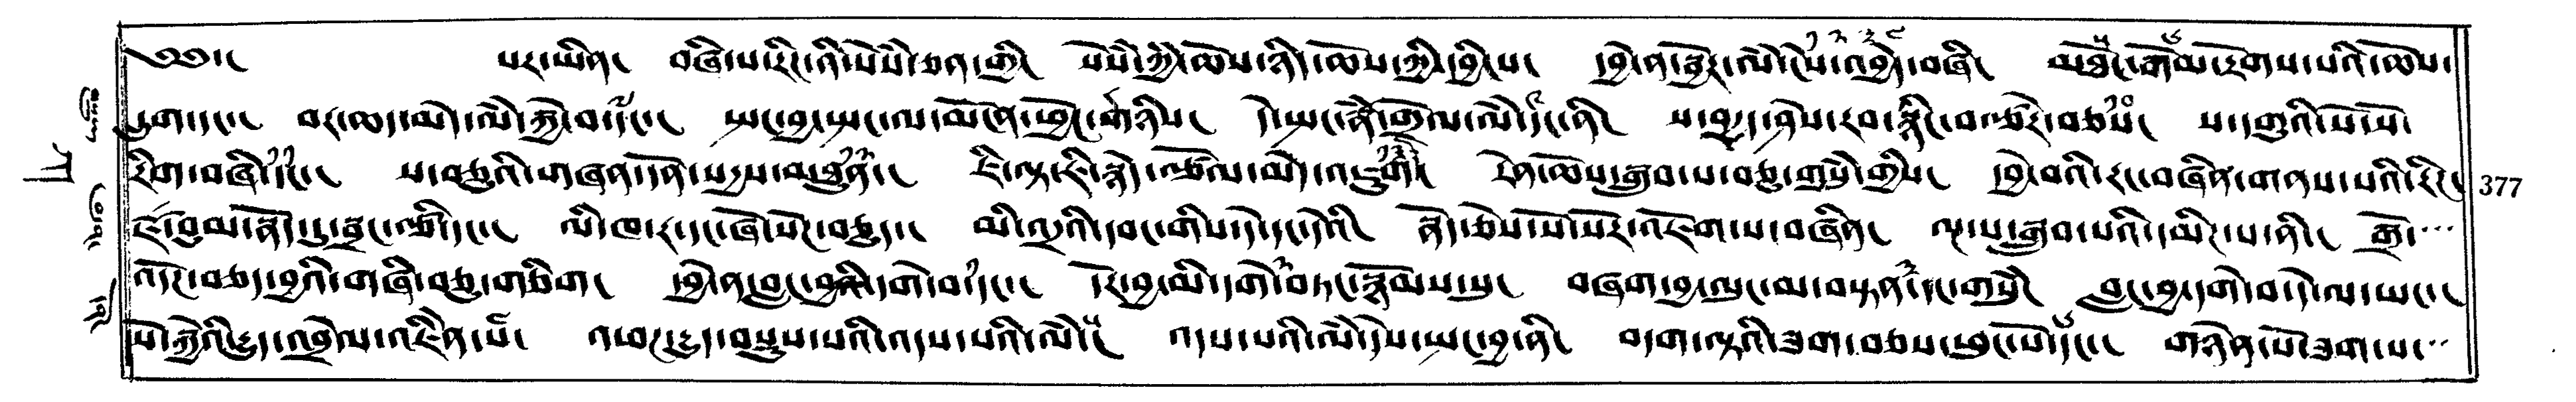པར་ཡིན། །བཞི་པ་རིགས་ནི་སེམས་ཅན་གྱི། །སེམས་ཀྱི་ཆོས་ཉིད་ཆོས་ཀྱི་དབྱིངས། །དབྱེ་ན་སྦྱོར་ལམ་ངེས་འབྱེད་བཞི། །མཐོང་སྒོམ་རྟོགས་པའི་ཆོས་
དྲུག་དང་། །བར་ཆད་མེད་ལམ་སྐྱེ་བ་དང་། །སྤང་བྱ་སྤོང་ལ་མངོན་ཕྱོགས་གཉིས། །དེ་སྤངས་རྣམ་གྲོལ་ལམ་དང་ནི། །ས་བརྒྱད་ཤེས་རབ་སྙིང་བརྩེར་བཅས། །ས་དགུའི་སོ་སོ་
རིག་བཞི་དང་། །ས་བཅུའི་གཞན་དོན་སངས་རྒྱས་མཐུན། །ཇི་ལྟ་ཇི་སྙེད་རྩོལ་མེད་འཇུག །རྟེན་ཆོས་སྒྲུབ་པ་བཅུ་གསུམ་གྱིས། །དབྱེ་བའི་རང་བཞིན་གནས་པའི་རིགས། །
རྫ་བུམ་སྣོད་དུ་སྦྲང་རྩི་དང་། །ལི་ཁ་ར་དང་ཞོ་སོགས་བཅུད། །མི་འདྲའི་དབང་གིས་དེ་དང་དེའི། །སྣོད་ཅེས་སོ་སོར་འཇོག་པ་བཞིན། །ལྔ་པ་སྒྲུབ་པའི་དམིགས་པ་ནི། །སྒྲོ་
འདོགས་བཅད་བྱའི་གཞི་བཅུ་གཅིག །དབྱེ་ན་བླང་བྱའི་དགེ་བ་དང་། །དོར་བྱ་མི་དགེ་བཏང་སྙོམས་སུ། །བཞག་བྱ་ལུང་མ་བསྟན་དང་གསུམ། །བླང་བྱ་དགེ་བ་དེ་ལ་ཡང་། །
སོ་སྐྱེའི་རྒྱུད་འབྲེལ་འཇིག་རྟེན་དང་། །འཕགས་རྒྱུད་བསྡུས་པའི་འདས་པའི་ལམ། །འདས་པའི་ལམ་དེས་སྤང་བྱ་ནི། །བདག་ལྟའི་ཟག་བཅས་ཕུང་པོ་དང་། །གཉེན་པོ་ཟག་པ་